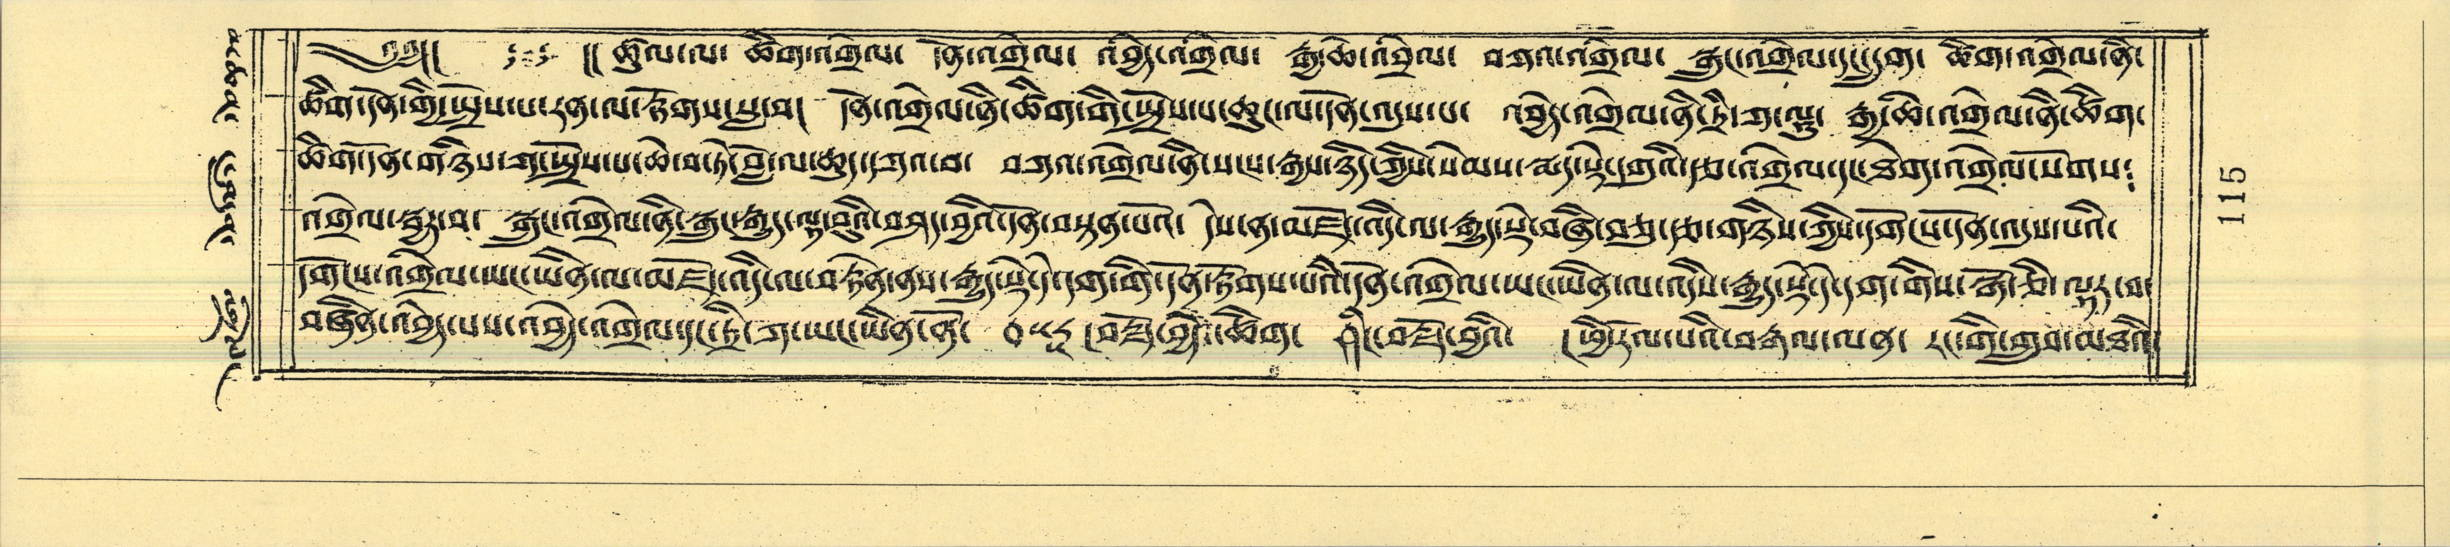ཚུལ་ལ། ཚིག་འགྲེལ། དོན་འགྲེལ། འབྱེད་འགྲེལ། རྒྱ་ཆེ་འབྲེལ། བཀའ་འགྲེལ། སྒྲུང་འགྲེལ་དང་དྲུག། ཚིག་འགྲེལ་ནི་
ཚིག་དོན་གྱི་སྤྲོས་པ་རན་ལ་རྟོགས་སླ་བ། དོན་འགྲེལ་ནི་ཚིག་གི་སྤྲོས་པ་ཆུང་ལ་དོན་འདུས་པ། འབྱེད་འགྲེལ་ནི་ཊི་ཀ་ལྟ་བུ། རྒྱ་ཆེ་འགྲེལ་ནི་
ཚིག་དོན་གཉིས་ཀ་སྤྲོས་པ་ཆེ་བ་སྟེ་བློ་ལ་ཆུད་དཀའ་བ། བཀའ་འགྲེལ་ནི་སངས་རྒྱས་ཉིད་ཀྱིས་སེམས་སྨད་སྡེ་དགུའི་རྩ་འགྲེལ་དང་ཐེག་འགྲེལ་སོགས་
འགྲེལ་སྦྱར་བ། སྒྲུང་འགྲེལ་ནི་སྒྲུང་རྒྱུད་ལྟ་བུའི་བཤད་བྱའི་དོན་བསྟན་པའོ། དེས་ན་མཛོད་འདི་ལ་རྒྱུད་སྡེ་བཞི་བཅུ་རྩ་གཉིས་ཀྱི་དགོངས་དོན་འདུས་པའི་
དགོངས་འགྲེལ་ཡང་ཡིན་ལ་མཛོད་འདི་ལ་བརྟེན་ནས་རྒྱུད་སྡེ་དེ་དག་གི་དོན་རྟོགས་པའི་དོན་འགྲེལ་ཡང་ཡིན་ལ་འདིས་རྒྱུད་སྡེ་དེ་དག་གིས་སྒོ་ཅི་ལྟར་བ་
བཞིན་འབྱེད་འགྲེལ་དང་ཊི་ཀ་ཡང་ཡིན་ནོ། བ༥༨།༥ རྗོད་བྱེད་ཚིག། ཤིང་བརྗོད་བྱའི། ཕྱི་རོལ་པའི་བརྒལ་ལན། རང་གི་གྲུབ་མཐའི་